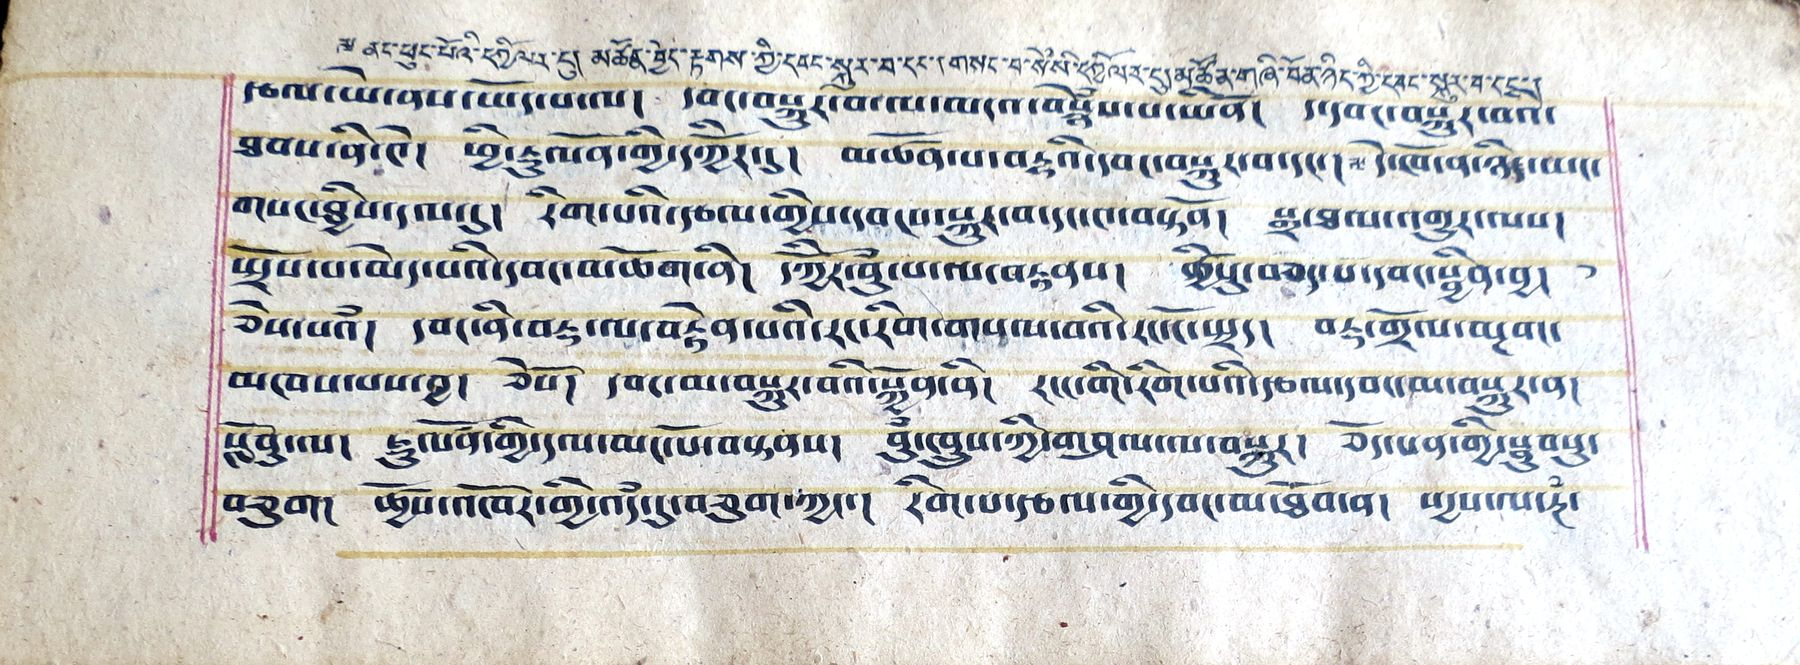རྩལ་ཡེ་ནས་ཡོད་པ་ལ། དབང་སྐུར་ལ་མངའ་བསྙེམས་པ་ཡིན་ནོ། །ད་དབང་བསྐུར་བའི་
ཐབས་ནི་བཞི་སྟེ། ཕྱི་རྡུལ་ཚོན་གྱི་དཀྱིལ་འཁོར་དུ། མཚན་པ་བརྡའི་དབང་བསྐུར་བ་དང། དེ་ཁོ་ན་ཉིད་མ།
གསང་ཀྱི་དཀྱིལ་འཁོར་དུ། རིག་པ་རྩལ་གྱི་དབང་བསྐུར་བ་དང་བཞི་བསྟན་ཏོ། །སྒྲ་ཐལ་འགྱུར་ལས། 
སྤྲོས་པ་མེད་པའི་དབང་མཆོག་ནི། དཀྱིལ་འཁོར་བུམ་པ་ལ་བརྟེན་ནས། ཚིགས་སུ་བཅད་པ་དབང་སྦྱིན་བྱ། 
ཅེས་པའམ། དབང་ནི་བརྡ་ལ་བརྟེན་པའི་རང་རིག་གསལ་བའི་རང་ངོ་སྤྲད། བརྡ་གྲོལ་མན་ངག་
མཁས་པས་བྱ། ཅེས་སོ། །དབང་མ་བསྐུར་བའི་སྐྱོན་ནི། རང་རང་གི་རིག་པ་རྩལ་གྱི་དབང་མ་བསྐུར་ན། 
སློབ་བུ་ལ་རྡུལ་ཚོན་གྱི་དཀྱིལ་འཁོར་མང་པོ་བསྟན་ནས། བུམ་ཁྲུས་ཀྱིས་བཤལ་ལ་བསྐུར། ཅོད་པན་གྱི་སྦུབས་སུ་
བཅུག། ཚོགས་འཁོར་གྱི་འདམ་དུ་བཅུག་ཀྱང་། རིག་པ་རྩལ་གྱི་དབང་མ་ཐོབ་ན། སངས་རྒྱས་ལ་རྔམ་